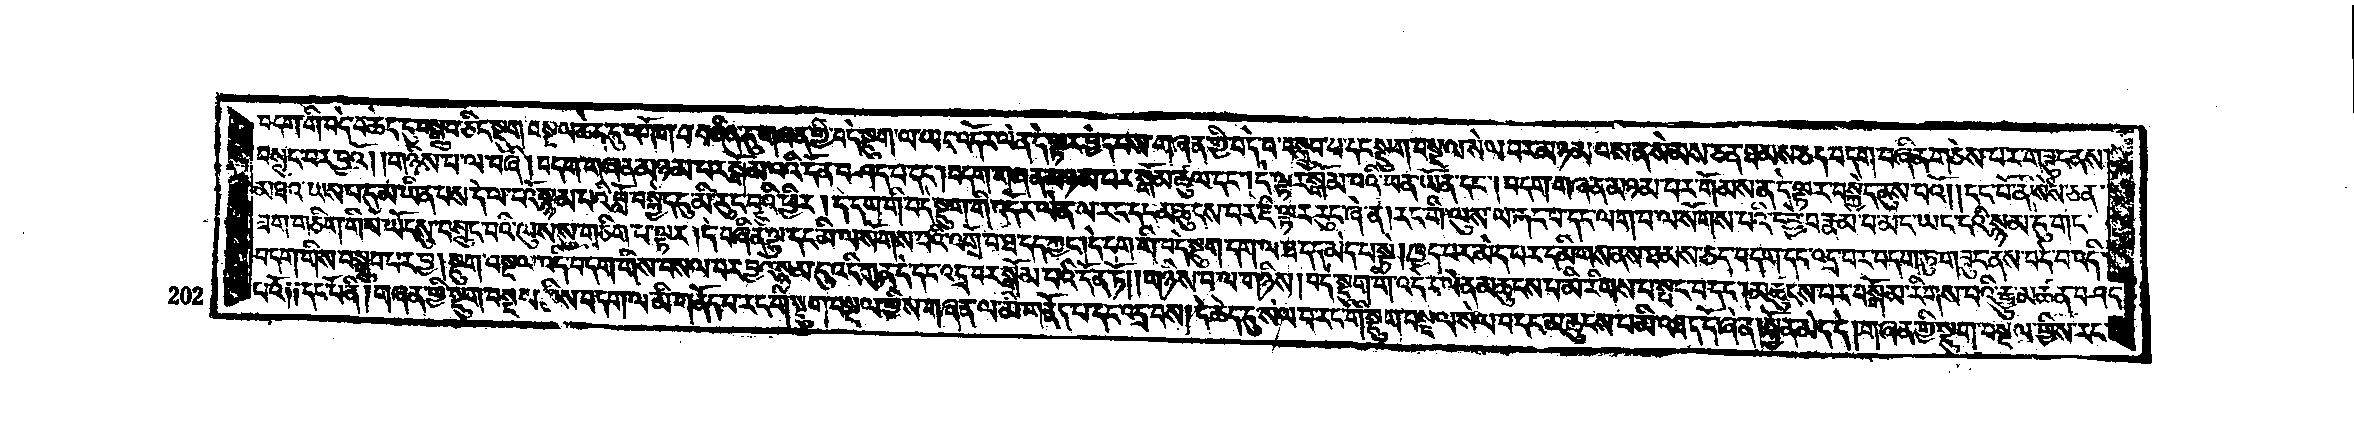བདག་གི་བདེ་བ་ཆེད་དུ་བསྒྲུབ་ཅིང་སྡུག་བསྔལ་ཆེན་དུ་འགོག་པ་བཞིན་དུ་གཞན་གྱི་བདེ་སྡུག་ལ་ཡང་འདོར་ལེན་དེ་ལྟར་བྱེད་པས་གཞན་གྱི་བདེ་བ་བསྒྲུབ་པ་དང་སྡུག་བསྔལ་སེལ་བར་མཉམ་པས་ན་སེམས་ཅན་ཐམས་ཅད་བདག་བཞིན་གཅེས་པར་གཟུང་ནས་
བསྲུང་བར་བྱའོ། །གཉིས་པ་ལ་བཞི། བདག་གཞན་མཉམ་པར་སྒོམ་པའི་དོན་བཤད་པ་དང་། བདག་གཞན་མཉམ་པར་སྒོམ་ཚུལ་དང་། དེ་ལྟར་སྒོམ་པའི་ཕན་ཡོན་དང་། བདག་གཞན་མཉམ་པར་གོམས་ན་དེ་ལྟར་བསྐྱེད་ནུས་པའོ། །དང་པོ་ནི། སེམས་ཅན་
མཐའ་ཡས་པ་དུ་མ་ཡིན་པས་དེ་ལ་ངའོ་སྙམ་པའི་བློ་བསྐྱེད་དུ་མི་རུང་བའི་ཕྱིར། དེ་དག་གི་བདེ་སྡུག་གི་འདོར་ལེན་ལ་རང་དང་མཚུངས་པར་ཇི་ལྟར་རུང་ཞེ་ན། རང་གི་ལུས་ལ་རྐང་པ་དང་ལག་པ་ལ་སོགས་པའི་དབྱེ་བ་རྣམ་པ་མང་ཡང་ངའི་སྙམ་དུ་གང་
ཟག་གཅིག་གིས་ཡོངས་སུ་བསྲུང་བའི་ལུས་སུ་གཅིག་པ་ལྟར། དེ་བཞིན་ལྷ་དང་མི་ལ་སོགས་པའི་འགྲོ་བ་ཐ་དད་ཀྱང་། དེ་དག་གི་བདེ་སྡུག་དག་ལ་ཐ་དད་མེད་པ་སྟེ། ཁྱད་པར་མེད་པར་དམིགས་ནས་ཐམས་ཅད་བདག་དང་འདྲ་བར་བདག་ཏུ་གཟུང་ནས་བདེ་བ་འདི་
བདག་གིས་བསྒྲུབ་པར་བྱ་། སྡུག་བསྔལ་འདི་བདག་གིས་བསལ་བར་བྱའོ་སྙམ་དུ་འདི་ཀུན་དེ་དང་འདྲ་བར་སྒོམ་པའི་དོན་ཏོ། །གཉིས་པ་ལ་གཉིས། བདེ་སྡུག་གི་འདེར་ལེན་མཚུངས་པ་མི་རིགས་པ་སྤང་བ་དང་། མཚུངས་པར་བསྒོམ་རིགས་པའི་རྒྱུ་མཚན་བཤད་
པའོ༑ ༑དང་པོ་ནི། གཞན་གྱི་སྡུག་བསྔལ་གྱིས་བདག་ལ་མི་གནོད་པ་རང་གི་སྡུག་བསྔལ་གྱིས་གཞན་ལ་མི་གནོད་པ་དང་འདྲ་བས། དེ་ཆེད་དུ་སེལ་བ་རང་གི་སྡུག་བསྔལ་སེལ་བ་དང་མཚུངས་པ་མི་འཐད་དོ་ཞེ་ན། སྐྱོན་མེད་དེ། གཞན་གྱི་སྡུག་བསྔལ་གྱིས་རང་